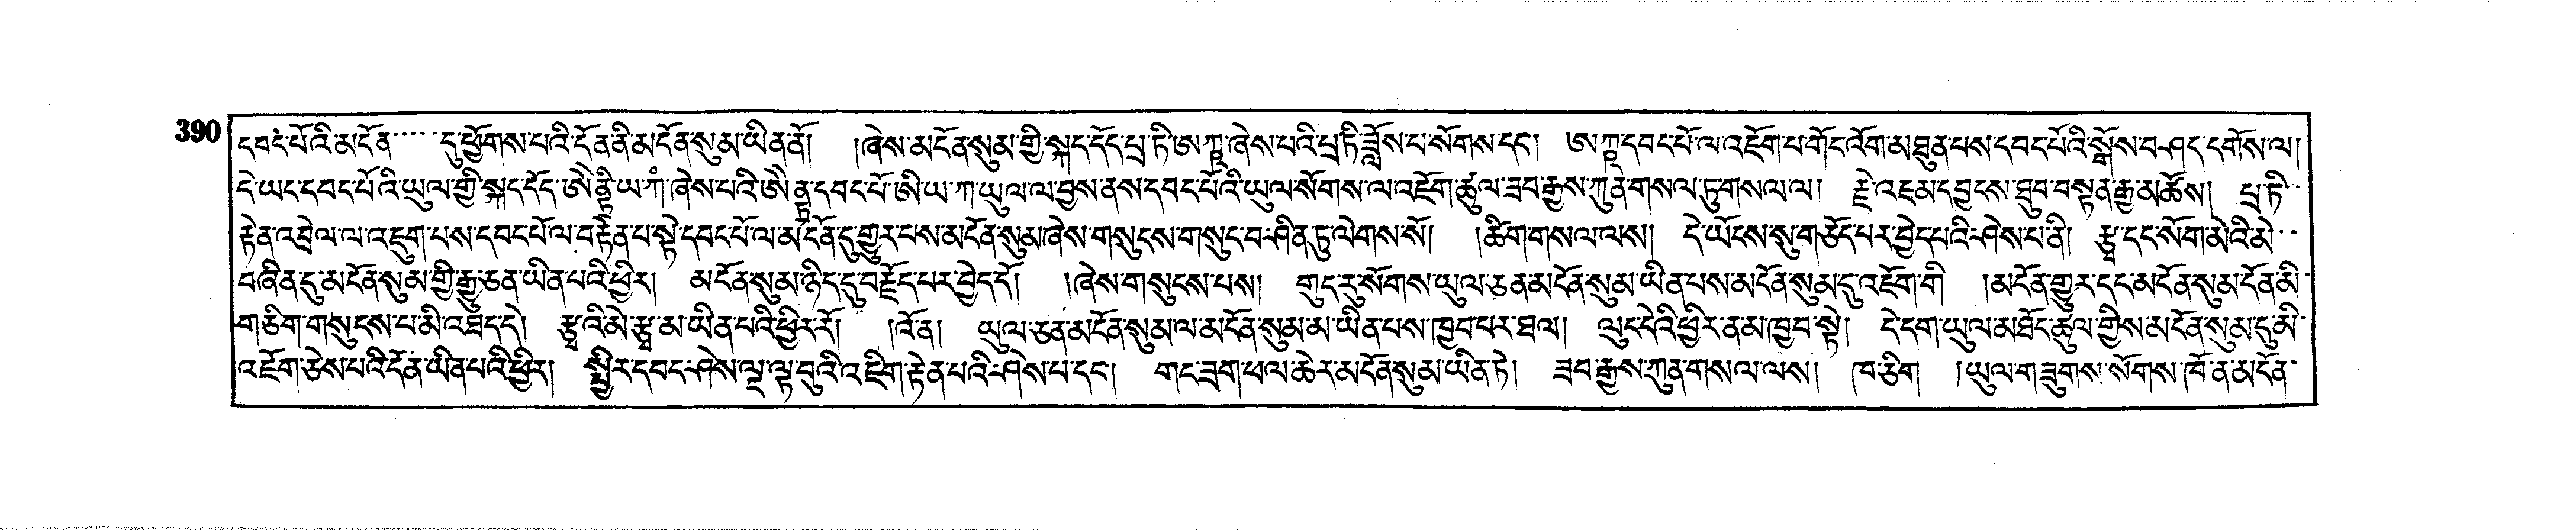དབང་པོའི་མངོན་དུ་ཕྱོགས་པའི་དོན་ནི་མངོན་སུམ་ཡིན་ནོ། །ཞེས་མངོན་སུམ་གྱི་སྐད་དོད་པྲ་ཏི་ཨཀྵ་ཞེས་པའི་པྲ་ཏི་ཟློས་པ་སོགས་དང་། ཨཀྵ་དབང་པོ་ལ་འཇོག་པ་གོང་འོག་མཐུན་པས་དབང་པོའི་སྒོས་བཤད་དགོས་ལ།
དེ་ཡང་དབང་པོའི་ཡུལ་གྱི་སྐད་དོད་ཨཻནྟྲི་ཡ་ཀཾ་ཞེས་པའི་ཨཻནྟྲ་དབང་པོ་ཨི་ཡ་ཀ་ཡུལ་ལ་བྱས་ནས་དབང་པོའི་ཡུལ་སོགས་ལ་འཇོག་ཚུལ་ཟབ་རྒྱས་ཀུན་གསལ་ཏུ་གསལ་ལ། རྗེ་འཇམ་དབྱངས་ཐུབ་བསྟན་རྒྱ་མཚོས། པྲ་ཏི་
རྟེན་འབྲེལ་ལ་འཇུག་པས་དབང་པོ་ལ་བརྟེན་པ་སྟེ་དབང་པོ་ལ་མངོན་དུ་གྱུར་པས་མངོན་སུམ་ཞེས་གསུངས་གསུང་བ་ཤིན་ཏུ་ལེགས་སོ། །ཚིག་གསལ་ལས། དེ་ཡོངས་སུ་གཅོད་པར་བྱེད་པའི་ཤེས་པ་ནི། རྩྭ་དང་སོག་མེའི་མེ་
བཞིན་དུ་མངོན་སུམ་གྱི་རྒྱུ་ཅན་ཡིན་པའི་ཕྱིར། མངོན་སུམ་ཉིད་དུ་བརྗོད་པར་བྱེད་དོ། །ཞེས་གསུངས་པས། གུང་རུ་སོགས་ཡུལ་ཅན་མངོན་སུམ་ཡིན་པས་མངོན་སུམ་དུ་འཇོག་གི །མངོན་གྱུར་དང་མངོན་སུམ་དོན་མི་
གཅིག་གསུངས་པ་མི་འཐད་དེ། རྩྭའི་མེ་རྩྭ་མ་ཡིན་པའི་ཕྱིར་རོ། །འོ་ན། ཡུལ་ཅན་མངོན་སུམ་ལ་མངོན་སུམ་མ་ཡིན་པས་ཁྱབ་པར་ཐལ། ལུང་དེའི་ཕྱིར་ན་མ་ཁྱབ་སྟེ། དེ་དག་ཡུལ་མཐོང་ཚུལ་གྱིས་མངོན་སུམ་དུ་མི་
འཇོག་ཅེས་པའི་དོན་ཡིན་པའི་ཕྱིར། སྤྱིར་དབང་ཤེས་ལྔ་ལྟ་བུའི་འཇིག་རྟེན་པའི་ཤེས་པ་དང་། གང་ཟག་ཕལ་ཆེར་མངོན་སུམ་ཡིན་ཏེ། ཟབ་རྒྱས་ཀུན་གསལ་ལས། ཁ་ཅིག །ཡུལ་གཟུགས་སོགས་ཁོ་ན་མངོན་